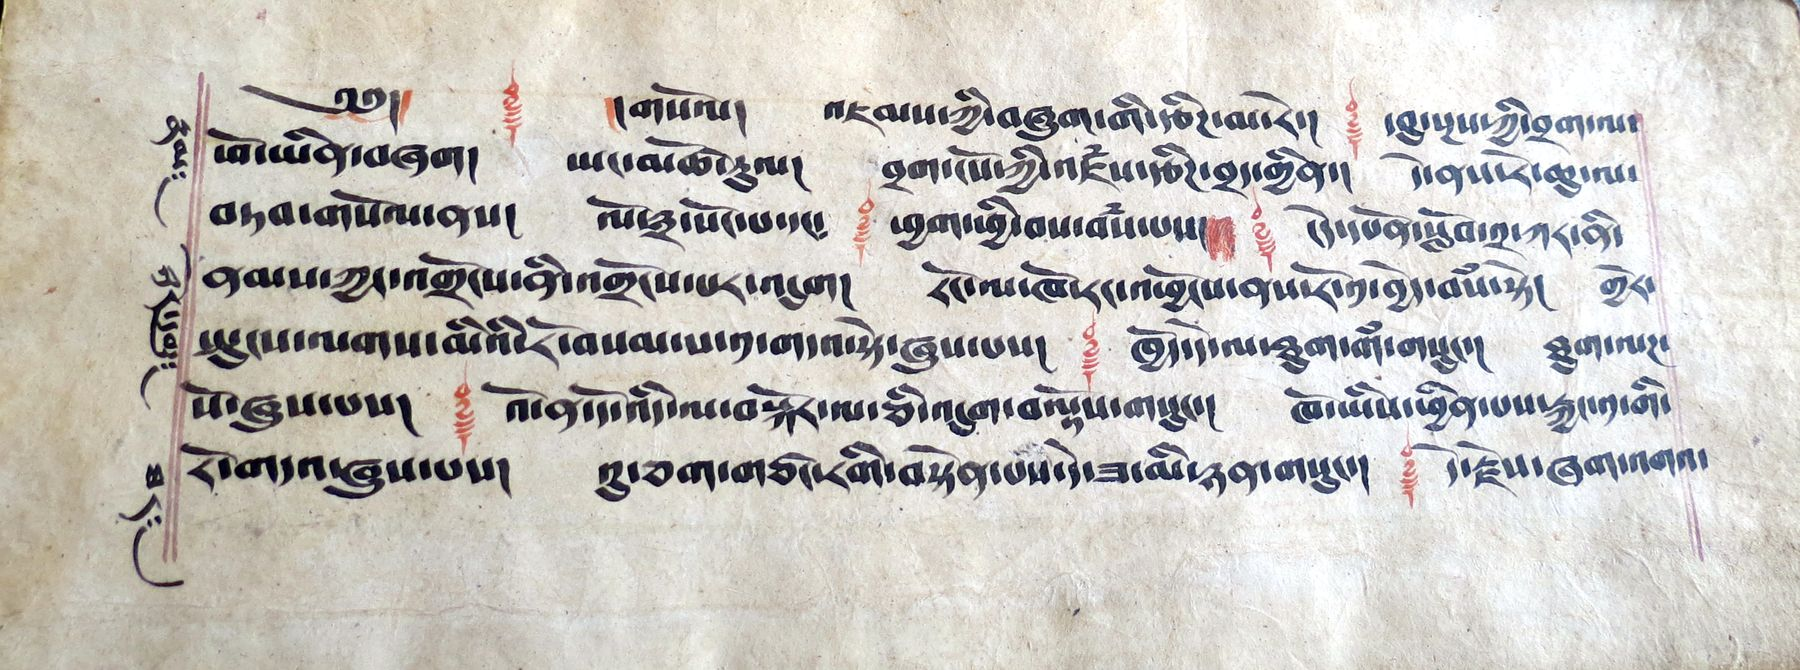གསོལ། འཇམ་གྱི་གཞུག་གི་རྩིག་མ་རེ། དབུ་བསྔས་ཀྱི་བྲག་ལ་
ཕོ་ཡིན་བཞག ཡང་མཚོ་རུལ། བྲག་ངོས་ཀྱི་འཇམ་རྩིག་བྲད་ནས། དེ་ཆུ་ལ་
བཏབ་ཀྱིན་གསོལ་ནས། ལོ་གསུམ་སོང་བ་དང་། ཕྱག་ཕྱི་བའི་བསམ་པས། ངེད་དཔོན་སློབ་གཉིས་ཀར་ནི་
ནམ་ཀྱང་འགྲོངས་ནི་འགྲོངས་པར་འདུག། དང་ལ་ཁོ་རང་མཆོངས་ནས་རོ་ཞིག་བྱེད་བསམ་སྟེ། གྱེར་
སྤུངས་ལགས་མི་ཡི་རོ་གསར་པ་ཞིག་གདའ་སྟེ་ཞུས་པས། ཁྱོད་དེ་ལ་ཐུག་གམ་གསུངས། ཐུག་ལགས་
སོ་ཞུས་པས། འོ་ན་དོ་འདི་ལ་བསྐོར་ལ་ཅི་འདུག་ལྟོས་གསུངས། ཁོས་ཕྱིན་པས་རྐྱང་གཅིག་གི་
རོ་ཞིག་གདའ་ཞུས་པས། དེ་འུ་བུ་གཙང་རིགས་བརྟེན་པས་ཟ་མི་ཉན་གསུངས། དེ་རྗེས་ཞག་འགའ་